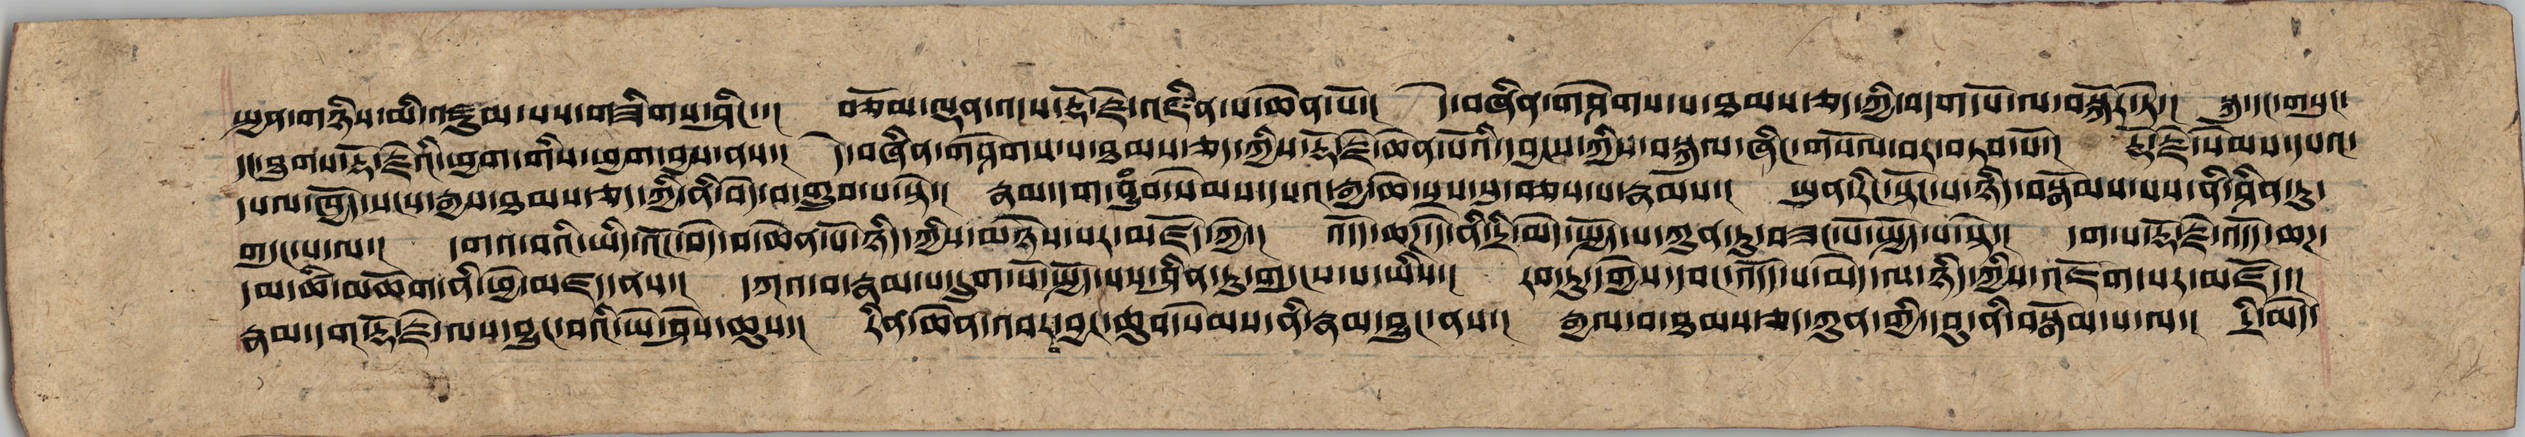སྤྱན་གཉིས་མི་འཛུམ་པས་གཟིགས་ཤིང་་། བཅོམ་ལྡན་འདས་རྡོ་རྗེ་འཛིན་པ་ཆེན་པོ་། དེ་བཞིན་གཤེགས་པ་ཐམས་ཅད་ཀྱི་བདག་པོ་ལ་བསྐོར་ཏེ་། སྐུ་དང་གསུང་
དང་ཐུགས་རྡོ་རྗེའི་ཕྱག་གིས་ཕྱག་བྱས་ནས་། དེ་བཞིན་གཤེགས་པ་ཐམས་ཅད་ཀྱིས་རྡོ་རྗེ་ཆེན་པོའི་དབྱངས་ཀྱིས་བསྐུལ་ཞིང་གསོལ་བར་བཏབ་པོ་། རྡོ་རྗེ་སེམས་དཔའ་
དཔལ་ཁྱོད་སངས་རྒྱས་ཐམས་ཅད་ཀྱི་ནི་བདེ་བ་གྲུབ་པ་སྟེ་། རྣམ་དག་བྱུཾབ་སེམས་དཔའ་རྒྱ་ཆེ་སྲས་སུ་བཅས་པ་རྣམས་། ཡུན་རིང་སྟོང་པ་ཉིད་བསྒོམས་པས་ནི་ཤིན་ཏུ་
གདུང་པ་ལ་། དགའ་བའི་ཡིད་འོང་བདེ་བ་ཆེན་པོ་ཉིད་ཀྱིས་མཉེས་པར་མཛོད་ཀྱེ་། འདོད་ཆཌ་དེ་ནི་དྲི་མེད་སྤྱོད་པ་ཀུན་ཏུ་བཟང་པོ་སྤྱོད་པ་སྟེ་། དག་པ་རྡོ་རྗེ་འདོད་ཆཌ་
དམ་ཚི་མཆོག་ནི་ཕྱེ་མཛད་ནས་། དཀའ་བ་རྣམ་པ་དྲུག་པོ་སྤྱོད་པས་ཤིན་ཏུ་གདུངས་པ་ཡིས་། རབ་ཏུ་དགྱེས་དབང་འདོད་པ་མེད་ལ་ཉིད་ཀྱིས་འཇོག་པར་མཛོད་
རྣམ་དག་རྡོ་རྗེ་ལས་བྱུང་བའི་ཡེ་ཤེས་ཆུས་། རིན་ཆེན་འབར་བ་བྱང་ཆུབ་སེམས་ནི་རྣམ་བྱུང་ནས་། རྒྱལ་བ་ཐམས་ཅད་ཀུན་གྱི་དབུ་ནི་བསྒོམ་པ་ལ་། དྲི་མེད་